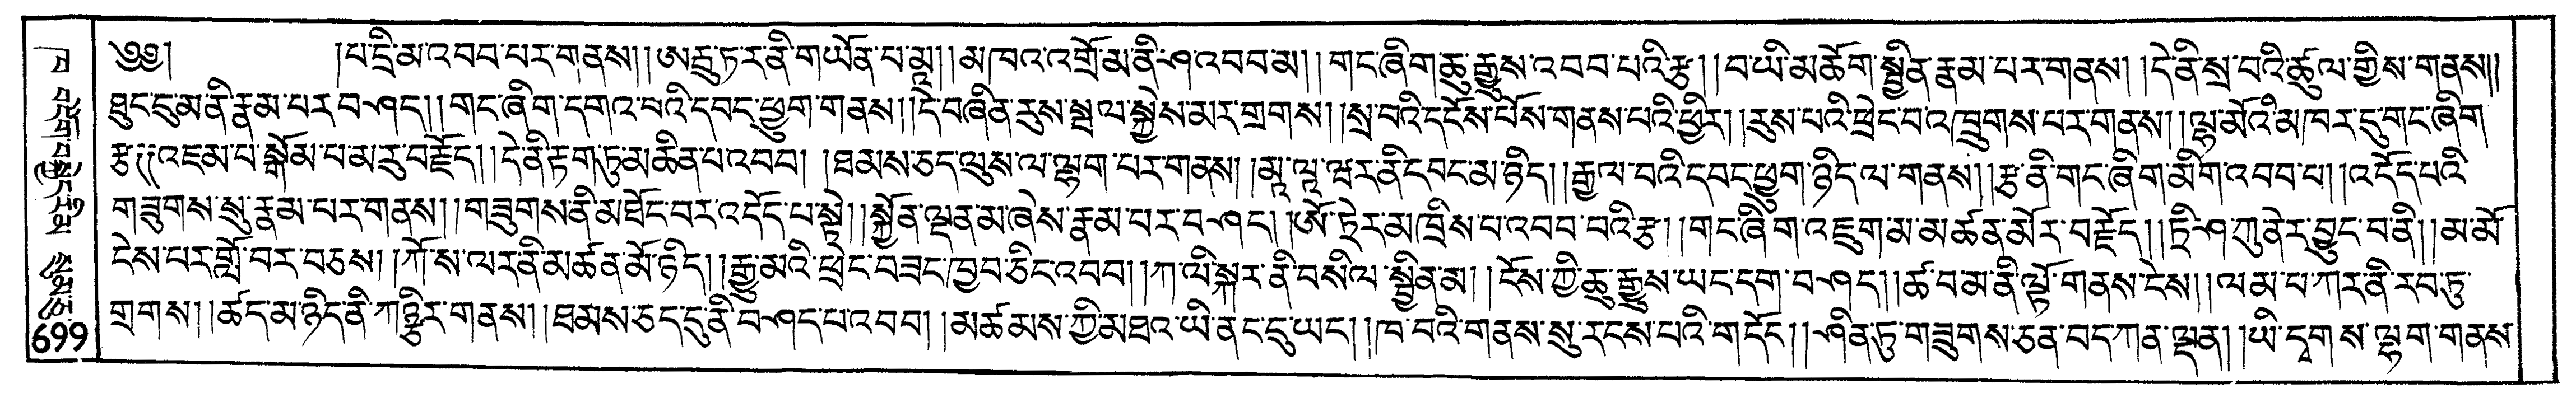༄༅། །པ་དྲི་མ་འབབ་པར་གནས། །ཨརྦུ་ཏ་ར་ནི་གཡོན་པ་མཱ། །མཁའ་འགྲོ་མ་ནི་ཤ་འབབ་མ། །གང་ཞིག་ཆུ་རྒྱུས་འབབ་པའི་རྩ། །བ་ཡི་མཆོག་སྦྱིན་རྣམ་པར་གནས། །དེ་ནི་སྲ་བའི་ཚུལ་གྱིས་གནས། །
ཐུང་ངུ་མ་ནི་རྣམ་པར་བཤད། །གང་ཞིག་དགའ་བའི་དབང་ཕྱུག་གནས། །དེ་བཞིན་རུས་སྦལ་སྐྱེས་མར་གྲགས། །སྲ་བའི་དངོས་པོས་གནས་པའི་ཕྱིར། །རུས་པའི་ཕྲེང་བ་འཁྲུགས་པར་གནས། །ལྷ་མོའི་མཁར་དུ་གང་ཞིག་
རྩ༑ ༑འཇམ་པ་སྒོམ་པ་མ་རུ་བརྗོད། །དེ་ནི་རྟག་ཏུ་མཆིན་པ་འབབ། །ཐམས་ཅད་ལུས་ལ་ལྷག་པར་གནས། །མཱ་ལཱ་ཝར་ནི་དབང་མ་ཉིད། །རྒྱལ་བའི་དབང་ཕྱུག་ཉིད་ལ་གནས། །རྩ་ནི་གང་ཞིག་མིག་འབབ་པ། །འདོད་པའི་
གཟུགས་སུ་རྣམ་པར་གནས། །གཟུགས་ནི་མཐོང་བར་འདོད་པ་སྟེ། །སྐྱོན་ལྡན་མ་ཞེས་རྣམ་པར་བཤད། །ཨོ་ཏྲེར་མཁྲིས་པ་འབབ་པའི་རྩ། །གང་ཞིག་འཇུག་མ་མཚན་མོར་བརྗོད། །ཏྲི་ཤ་ཀུ་ནེར་བྱུང་བ་ནི། །མ་མོ་
ངེས་པར་གློ་བར་བཅས། །ཀོ་ས་ལར་ནི་མཚན་མོ་ཉིད། །རྒྱུ་མའི་ཕྲེང་བཟང་ཁྱབ་ཅིང་འབབ། །ཀ་ལི་སྐར་ནི་བསིལ་སྦྱིན་མ། །ངོས་ཀྱི་ཆུ་རྒྱུས་ཡང་དག་བཤད། །ཚ་བ་མ་ནི་ལྟོ་གནས་ངེས། །ལམ་པ་ཀར་ནི་རབ་ཏུ་
གྲགས། །ཚད་མ་ཉིད་ནི་ཀཉྩིར་གནས། །ཐམས་ཅད་དུ་ནི་བཤད་པ་འབབ། །མཚམས་ཀྱི་མཐའ་ཡི་ནང་དུ་ཡང་། །ཁ་བའི་གནས་སུ་རངས་པའི་གདོང་། །ཤིན་ཏུ་གཟུགས་ཅན་བད་ཀན་ལྡན། །ཡི་དྭགས་ལྷག་གནས་